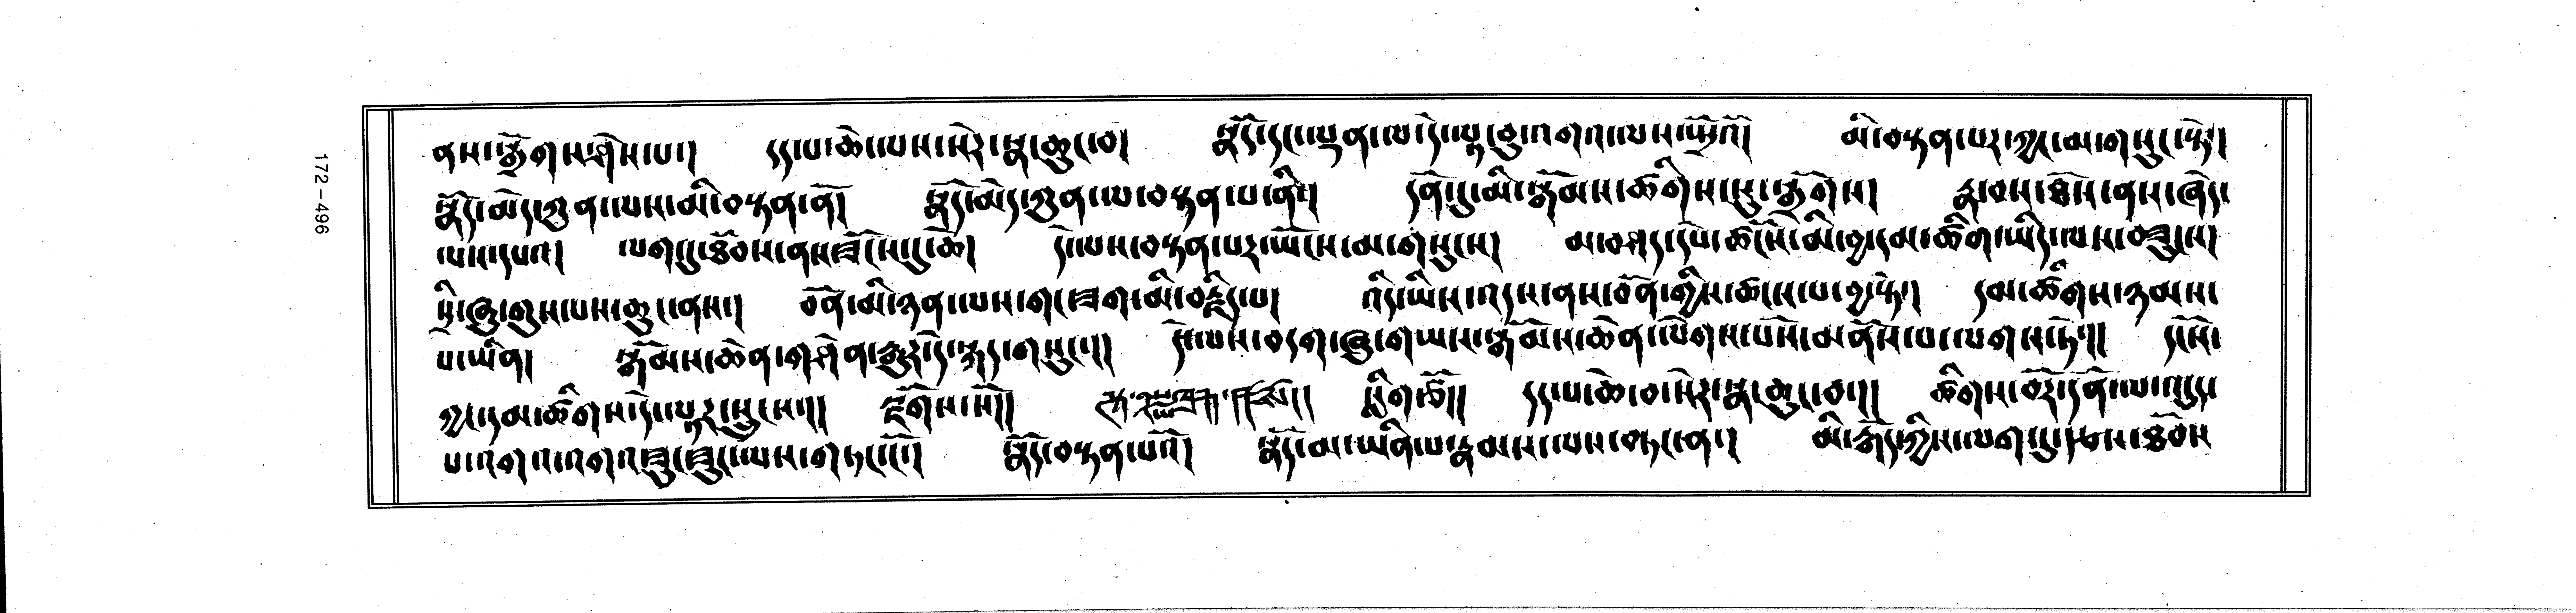ནས་སྒྲོགས་ཤེས་པ། དད་པ་ཆེ་ལས་སེར་སྣ་ཆུང་བ། སྣོད་དང་ལྡན་ལ་དེ་ལྟ་བུ་འགའ་ལས་སྤྲོའོ། མི་བསྟན་པར་ཀྱང་མ་གསུང་སྟེ། 
སྣོད་མེད་ཀུན་ལས་མི་བསྟན་ནོ། སྣོད་མེད་ཀུན་ལ་བསྟན་པ་ནི། དོན་དུ་མི་སྒོམས་ཚིག་སུ་སྒྲོགས། རྣ་བས་ཐོས་ནས་ཞེད་
ལས་དཔའ། ལག་དུ་ཐོབས་ནས་ཟོངས་དུ་ཆེ། དེ་ལས་བསྟན་པར་ཡོངས་མ་གསུངས། མ་བཤད་དཔེ་ཚོངས་མི་བྱ་དམ་ཚིགས་ཡིད་ལས་བཟུངས། 
སྲི་ཞུ་གུས་ལས་ཆུང་ནས། བོན་མི་ཉན་ལས་གང་ཟག་མི་བརྗིད་པ། འདི་ཡིས་འདས་ནས་བོན་གྱིས་ཚངས་པ་བྱ་སྟེ། དམ་ཚིགས་ཉམས་
པ་ཡིན། སྒོམས་ཆེན་གཤེན་རྒུར་དེ་སྐད་གསུང་། དེ་ལས་བདག་ཞུ་གཡས་སྒོམས་ཆེན་ལེགས་པོས་མནོས་པ་ལགས་ཏེ། དངོས་
ཀྱང་དམ་ཚིགས་དེ་ལྟར་སྲུངས། རྫོགས་སོ། ༼འདིར་གཏེར་ཡིག་ཡོད།༽ སླིག་ཙོ། དད་པ་ཆེ་བ་སེར་སྣ་ཆུང་བ། ཚིག་བོར་དོན་ལ་འདུད་
པ་འགའ་འགའ་ཟུང་ཟུང་ལས་གཏང་ངོ་། སྣོད་བསྟན་པའོ། སྣོད་མ་ཡིན་པ་རྣམས་ལས་བཏང་ན། མི་རྒོད་ཀྱིས་ལག་དུ་རྩས་ཐོབས་